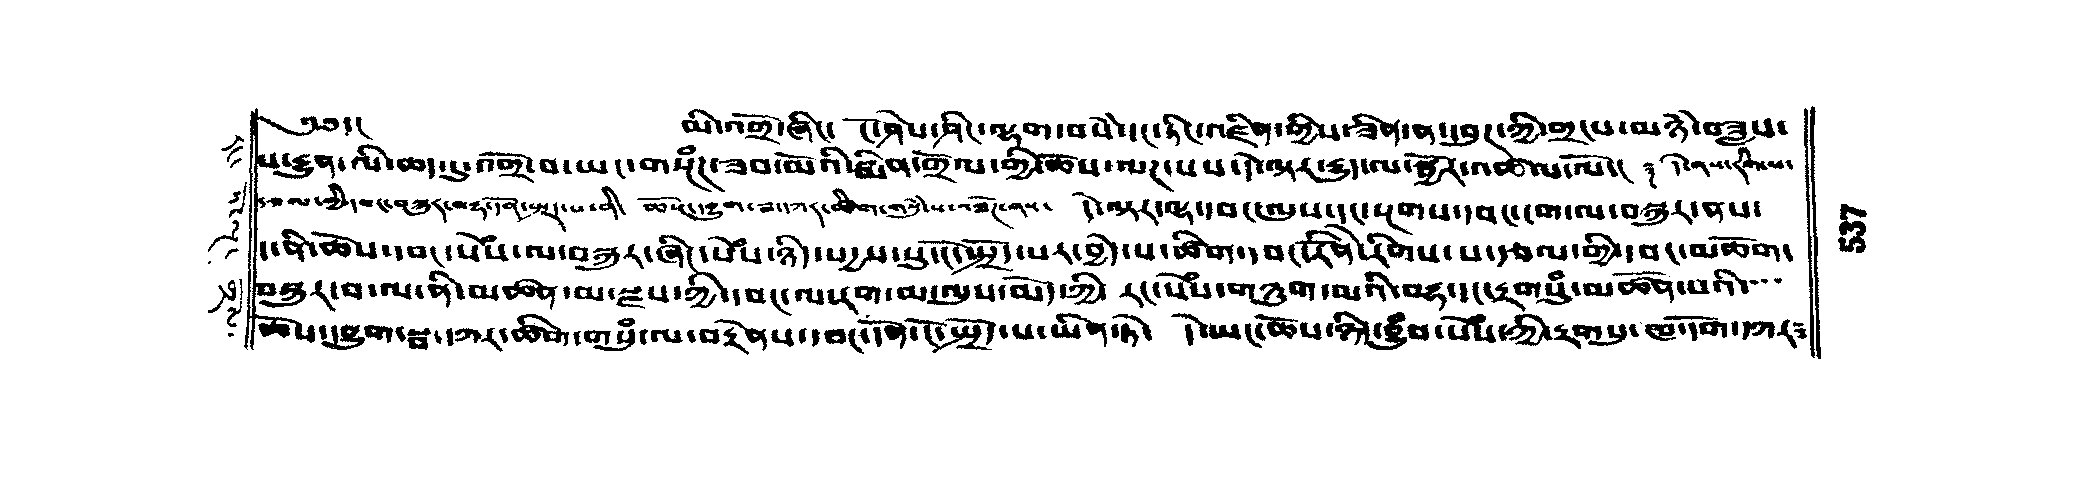མི་འགྲོ་ཞིང་། ངོ་ཤེས་ཤིང་ལྷག་བསམ་དང་ཏིང་འཛིན་གྱིས་ཟིན་ན་དབུགས་ཀྱི་གྲངས་མཉམ་བཟླས་
པ་རྒྱུན་མི་ཆད་དུ་འགྲོ་བ་ཡང་གསང་སྔགས་ཟབ་མོའི་སྨིན་གྲོལ་གྱི་ཆོས་ལགས་པས་དེ་ལྟར་རྒྱུད་ལ་སྦྱོར་འཚལ་ལོ། ༈ དེ་ནས་རིག་པ་
རྩལ་གྱི་དབང་བསྐུར་བརྡ་དོན་སྤྲད་པ་ནི། ཆོས་དབྱུག་སྦ་དཀར་ཚིག་གསུམ་པ་ཐོགས་ནས། དེ་ལྟར་ལྷ་དབང་ལུས་དང་སྔགས་དབང་ངག་ལ་བསྐུར་ནས། 
ད་ནི་ཆོས་དབང་སེམས་ལ་བསྐུར་ཞིང་སེམས་ཉིད་སངས་རྒྱས་སུ་ངོ་སྤྲོད་པར་བྱེད་པ་ཚིག་དབང་རིན་པོ་ཆེ་རིག་པ་རྩལ་གྱི་དབང་མཆོག་
བསྐུར་བ་ལ་ནི་མཚན་མ་རྫས་ཀྱི་དབང་ལ་རག་མ་ལུས་མོད་ཀྱི། རང་སེམས་གཉུག་མའི་བརྡ་དང་རྟགས་སུ་མཚོན་པའི་
ཆོས་དབྱུག་སྦ་དཀར་ཚིགས་གསུམ་ལ་བརྟེན་ནས་དབང་དོན་ངོ་སྤྲོད་པ་ཡིན་ཏེ། དེ་ཡང་ཆོས་ཉིད་བྱང་ཆུབ་སེམས་ཀྱི་རྟགས་སུ་ཁ་དོག་དཀར་